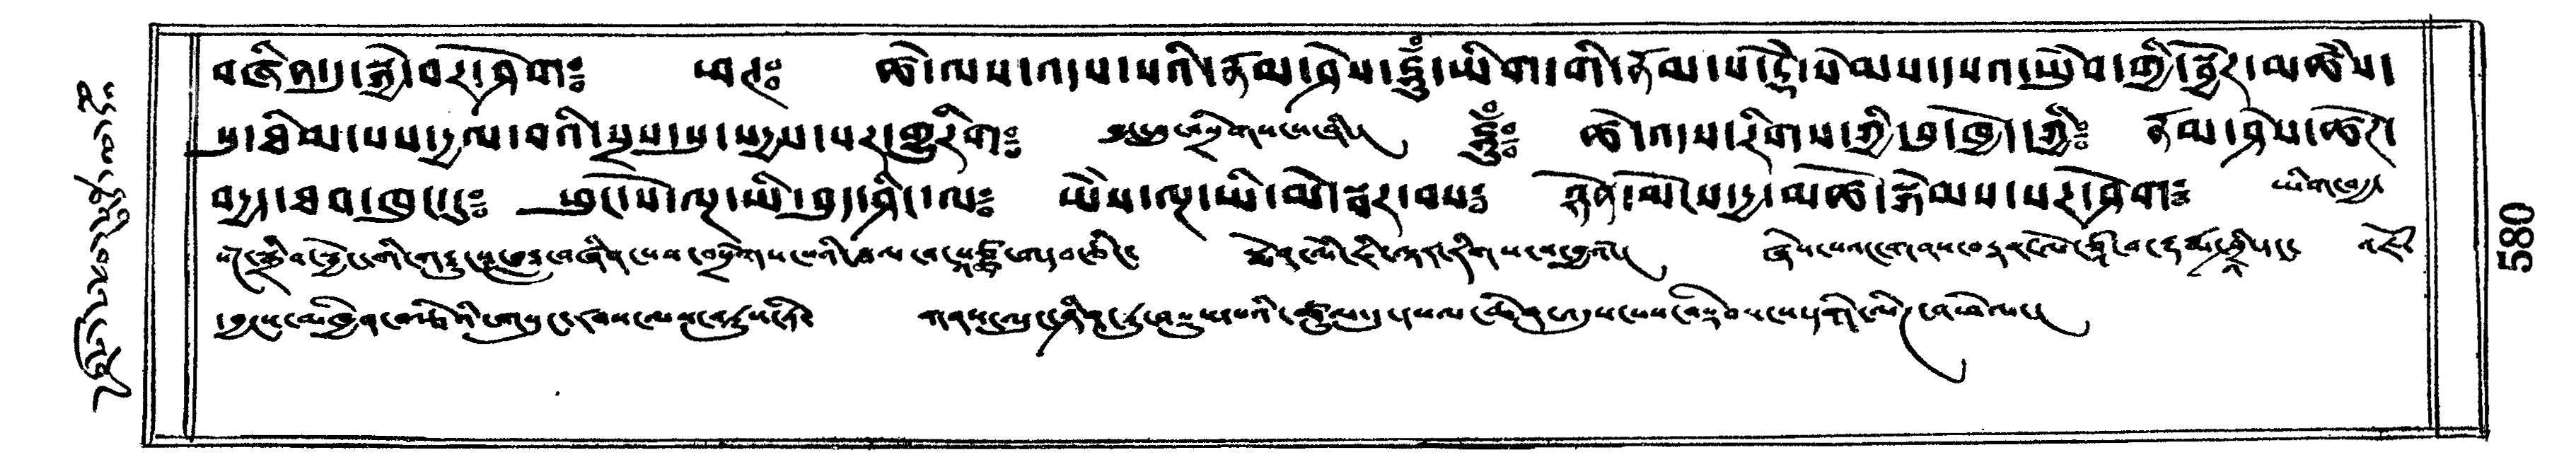བཞིན་དུ་སྐྱེ་བར་ཤོག༔ ཕཊ༔ ཚེ་ལས་འདས་པའི་རྣམ་ཤེས་ཧཱུྃ་ཡིག་གི་རྣམ་པ་རྡོ་རྗེ་སེམས་དཔའ་ཡབ་ཡུམ་གྱི་སྦྱོར་མཚམས་
སུ་ཐིམ་པས་རྒྱལ་བའི་སྲས་སུ་སངས་རྒྱས་པར་གྱུར་ཅིག༔ བྱང་བུ་སྲེག་པ་ནི། ཧཱུྃ༔ ཚེ་འདས་རིགས་ཀྱི་བུ་ཁྱོད་ཀྱི༔རྣམ་ཤེས་ཚོགས་
བརྒྱད་ཐབ་ཁུང་དུ༔ ཕུང་པོ་ལྔ་ཡི་བུད་ཤིང་ལ༔ ཡེ་ཤེས་ལྔ་ཡི་མེ་སྦར་བས༔ ཉོན་མོངས་རྒྱ་མཚོ་སྐེམས་པར་ཤོག༔ ཡིག་བརྒྱ་
སོགས་སྒྲིབ་སྦྱོང་གི་གཟུངས་བཟླ་བཞིན་པས་བསྲེགས་པའི་ཐལ་བར་སཱཙྪ་གདབ་ཅིང་། སྨོན་ལམ་ཇི་ལྟར་རིགས་པ་བྱའོ། ཞེས་པའང་གནས་བརྟན་ལོ་ཙཱ་བ་བྷརྨ་ཤྲཱི་དང་། འཇམ་
དབྱངས་མཁྱེན་བརྩེའི་གསུང་རབ་ལས་བཏུས་ཏེ། གནས་ལུང་ཤིན་ཏུ་བསྡུས་པའི་ཚུལ་དུ་དཔལ་ཆེན་འདུས་པས་བསྡེབས་པ་དགེ་ལེགས་འཕེལ།། མངྒ་ལམ།།